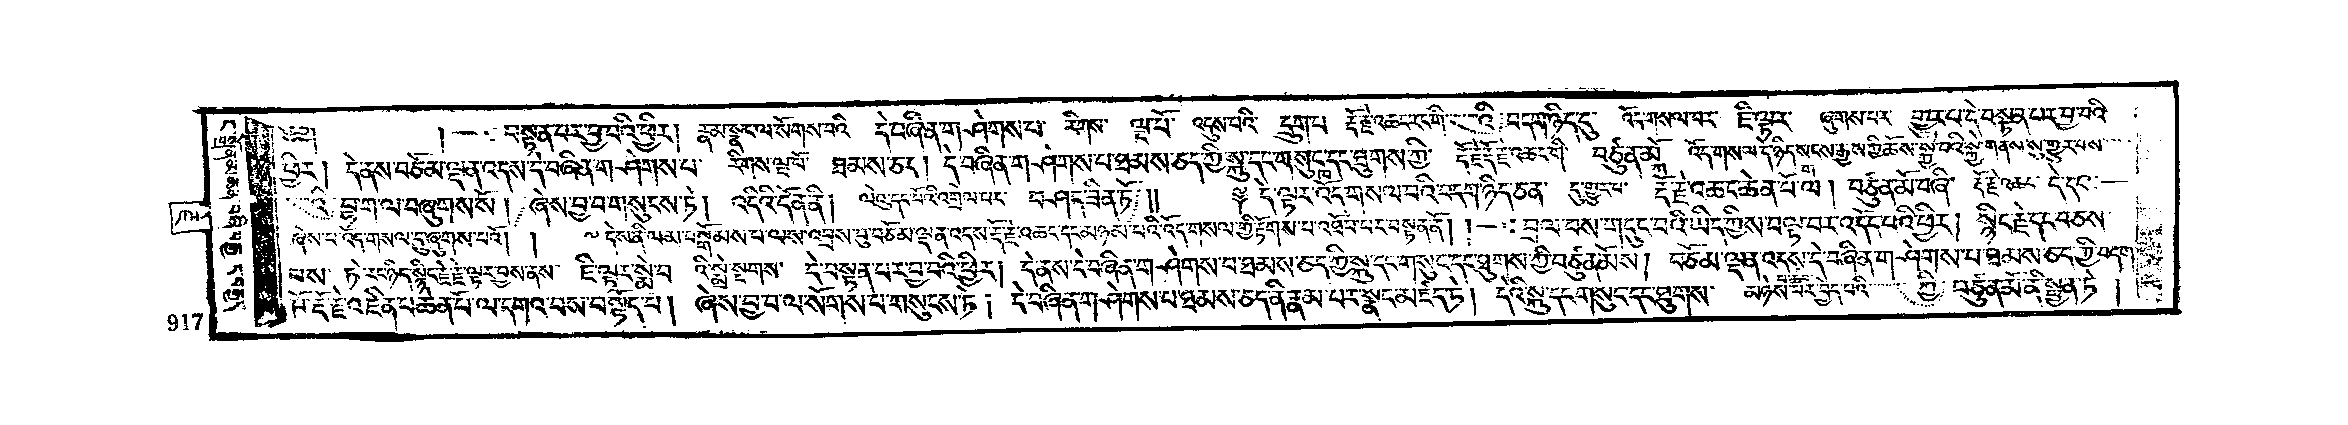༄༅། །བསྟན་པར་བྱ་བའི་ཕྱིར། རྣམ་སྣང་ལ་སོགས་པའི་དེ་བཞིན་གཤེགས་པ་རིགས་ལྔ་པོ་འདུས་པའི་དྲུག་པ་རྡོ་རྗེ་འཆང་རང་གིའི་བདག་ཉིད་དུ་འོད་གསལ་བར་ཇི་ལྟར་ཞུགས་པར་གྱུར་པ་དེ་བསྟན་པར་བྱ་བའི་
ཕྱིར། དེ་ནས་བཅོམ་ལྡན་འདས་དེ་བཞིན་གཤེགས་པ་རིགས་ལྔ་པོ་ཐམས་ཅད། དེ་བཞིན་གཤེགས་པ་ཐམས་ཅད་ཀྱི་སྐུ་དང་གསུང་དང་ཐུགས་ཀྱི་རྡོ་རྗེ་རྡོ་རྗེ་འཆང་གི་བཙུན་མོ་འོད་གསལ་དེ་ཉིད་སངས་རྒྱས་ཀྱི་ཆོས་སྐྱེ་བའི་སྐྱེ་གནས་སུ་གྱུར་པས
འི་བྷ་ག་ལ་བཞུགས་སོ། ཞེས་བྱ་བ་གསུངས་ཏེ། འདིའི་དོན་ནི། ལེའུ་དང་པོའི་འགྲེལ་པར་བཤད་ཟིན་ཏོ།། ༈ དེ་ལྟར་འོད་གསལ་བའི་བདག་ཉིད་ཅན་དུ་གྱུར་པ་རྡོ་རྗེ་འཆང་ཆེན་པོ་ལ། བཙུན་མོ་བཞི་རྡོ་རྗེ་འཆང་དེ་དང་
ཞེས་པ་འོད་གསལ་དུ་ཞུགས་པའོ། ། ༧དེས་ནི་ལམ་བསྒོམས་པ་ལས་འབྲས་བུ་བཅོམ་ལྡན་འདས་རྡོ་རྗེ་འཆང་དང་མཉམ་པའི་འོད་གསལ་གྱི་རྟོགས་པ་འཐོབ་པར་བསྟན་ནོ། །བྲལ་བས་གདུང་བའི་ཡིད་ཀྱིས་བལྟ་བར་འདོད་པའི་ཕྱིར། སྙིང་རྗེ་དང་བཅས་
པས་ཏེ་རང་ཉིད་སྙིང་རྗེ་རྗེ་ལྟར་བྱས་ནས་ཇི་ལྟར་སྨེ་བའི་སྨྲེ་སྔགས་དེ་བསྟན་པར་བྱ་བའི་ཕྱིར། དེ་ནས་དེ་བཞིན་གཤེགས་པ་ཐམས་ཅད་ཀྱི་སྐུ་དང་གསུང་དང་ཐུགས་ཀྱི་བཙུན་མོས། བཅོམ་ལྡན་འདས་དེ་བཞིན་གཤེགས་པ་ཐམས་ཅད་ཀྱི་བདག་
པོ་རྡོ་རྗེ་འཛིན་པ་ཆེན་པོ་ལ་དགའ་བས་བསྟོད་པ། ཞེས་བྱ་བ་ལ་སོགས་པ་གསུངས་ཏེ། དེ་བཞིན་གཤེགས་པ་ཐམས་ཅད་ནི་རྣམ་པར་སྣང་མཛད་ཏེ། དེའི་སྐུ་དང་གསུང་དང་ཐུགས་པ་ཚབ་མཉེས་པར་བྱེད་པའི་ཀྱི་བཙུན་མོ་ནི་སྤྱན་ཏེ།